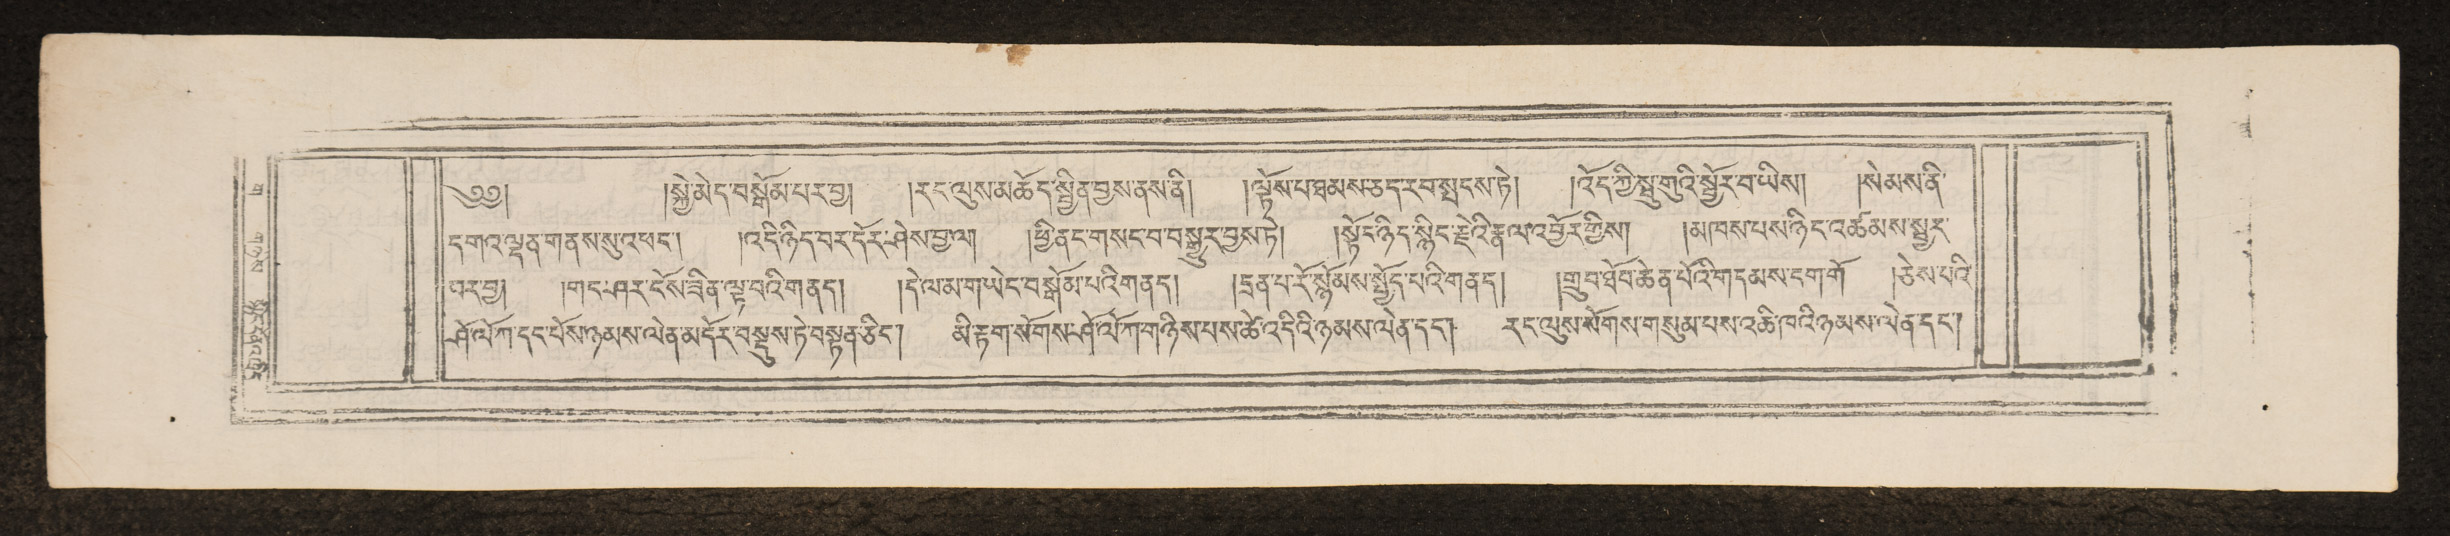༄༅། །སྐྱེ་མེད་བསྒོམ་པར་བྱ། །རང་ལུས་མཆོད་སྦྱིན་བྱས་ནས་ནི། །ལྟོས་པ་ཐམས་ཅད་རབ་སྤངས་ཏེ། །འོད་ཀྱི་སྦུ་གུའི་སྦྱོར་བ་ཡིས། །སེམས་ནི་
དགའ་ལྡན་གནས་སུ་འཕང་། །འདི་ཉིད་བར་དོར་ཤེས་བྱ་ལ། །ཕྱི་ནང་གསང་བ་བསྒྱུར་བྱས་ཏེ། །སྟོང་ཉིད་སྙིང་རྗེའི་རྣལ་འབྱོར་གྱིས། །མཁས་པས་ཉིང་འཚམས་སྦྱར་
བར་བྱ། །གང་ཤར་ངོས་ཟིན་ལྟ་བའི་གནད། །དེ་ལ་མ་གཡེང་བསྒོམ་པའི་གནད། །དྲན་པ་རོ་སྙོམས་སྤྱོད་པའི་གནད། །གྲུབ་ཐོབ་ཆེན་པོའི་གདམས་དག་གོ །ཅེས་པའི་
ཤོ་ལོ་ཀ་དང་པོས་ཉམས་ལེན་མདོར་བསྡུས་ཏེ་བསྟན་ཅིང་། མི་རྟག་སོགས་ཤོ་ལོ་ཀ་གཉིས་པས་ཚེ་འདིའི་ཉམས་ལེན་དང་། རང་ལུས་སོགས་གསུམ་པས་འཆི་ཁའི་ཉམས་ལེན་དང་།